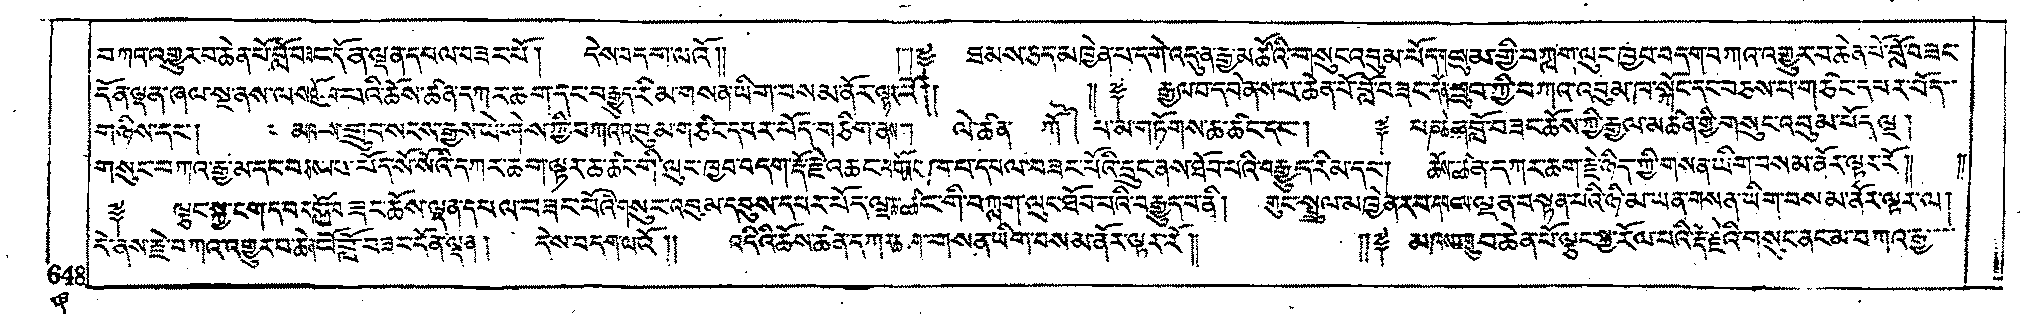བཀའ་འགྱུར་བ་ཆེན་པོ་བློ་བཟང་དོན་ལྡན་དཔལ་བཟང་པོ། དེས་བདག་ལའོ།། །། འ་ཐམས་ཅད་མཁྱེན་པ་དགེ་འདུན་རྒྱ་མཚོའི་གསུང་བུམ་པོད་གསུམ་གྱི་བཀླག་ལུང་ཁྱབ་བདག་བཀའ་འགྱུར་བ་ཆེན་པོ་བློ་བཟང་
དོན་ལྡན་ཞལ་སྔ་ནས་ལས་ཐོབ་པའི་ཆོས་ཚན་དཀར་ཆག་དང་བརྒྱུད་རིམ་གསན་ཡིག་བསམ་མ་ནོར་ལྟར་རོ།། །། འ་རྒྱལ་བ་དབེན་ས་པ་ཆེན་པོ་བློ་བཟང་དོན་གྲུབ་ཀྱི་བཀའ་འབུམ་ཁ་སྐོང་དང་བཅས་པ་གཙང་དཔར་པོད་
གཉིས་དང་། ༧་མཁས་གྲུབ་སངས་རྒྱས་ཡེ་ཤེས་ཀྱི་བཀའ་འབུམ་གཙང་དཔར་པོད་གཅིག་ནས། ལེ་ཚན། ཀོ་པ་མ་གཏོགས་ཆ་ཚང་དང་། འ་པན་ཆེན་བློ་བཟང་ཆོས་ཀྱི་རྒྱལ་མཚན་གྱི་གསུང་འབུམ་པོད་ལྔ།
གསུང་བཀའ་རྒྱ་མ་དང་བཅས་པ་པོད་སོ་སོའི་དཀར་ཆག་ལྟར་ཆ་ཚང་གི་ལུང་ཁྱབ་བདག་རྡོ་རྗེ་འཆང་ཕ་བོང་ཁ་པ་དཔལ་བཙང་པོའི་དྲུང་ནས་ཐོབ་པའི་བརྒྱུད་རིམ་དང་། ཆོས་ཚན་དཀར་ཆག་རྗེ་ཉིད་ཀྱི་གསན་ཡིག་བསམ་ནོར་ལྟར་རོ།། །།
འ་ལྕང་སྐྱ་ངག་དབང་བློ་བཟང་ཆོས་ལྡན་དཔལ་བཟང་པོའི་གསུང་འབུམ་དབུས་དཔར་པོད་ལྔ་ཆ་ཚང་གི་བཀླག་ལུང་ཐོབ་པའི་བརྒྱུད་པ་ནི། གུང་སྤྲུལ་མཁྱེན་རབ་དཔལ་ལྡན་བསྟན་པའི་ཉི་མ་ཡན་གསན་ཡིག་བསམ་ནོར་ལྟར་ལ།
དེ་ནས་རྗེ་བཀའ་འགྱུར་བ་ཆེན་པོ་བློ་བཟང་དོན་ལྡན། དེས་བདག་ལའོ།། འདིའི་ཆོས་ཚན་དཀར་ཆག་གསན་ཡིག་བསམ་ནོར་ལྟར་རོ།། །། འྨྑས་གྲུབ་ཆེན་པོ་ལྕང་སྐྱ་རོལ་པའི་རྡོ་རྗེའི་གསུང་ནང་མ་བཀའ་རྒྱ་